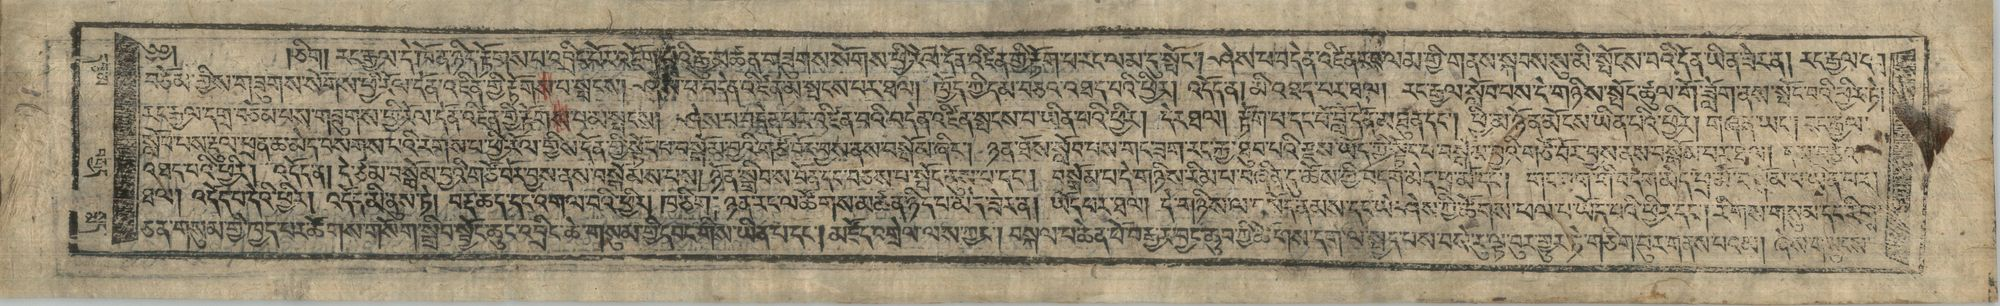༄༅། །ཅིག །རང་རྒྱལ་དེ་ཁོ་ན་ཉིད་རྟོགས་པ་འབྲིང་པོར་འཇོག་པའི་རྒྱུ་མཚན་གཟུགས་སོགས་ཕྱི་རོལ་དོན་འཛིན་གྱི་རྟོག་པ་རང་ལམ་དུ་སྤོང་། ཤེས་པ་བདེན་འཛིན་རང་ལམ་གྱི་གནས་སྐབས་སུ་མི་སྤོངས་བའི་དོན་ཡིན་ཟེར་ན། རང་རྒྱལ་དགྲ་
བཅོམ་གྱིས་གཟུགས་སོགས་ཕྱི་རོལ་དོན་འཛིན་གྱི་རྟོག་པ་སྤངས། ཤེས་པ་བདེན་འཛིན་མ་སྤངས་པར་ཐལ། ཁྱོད་ཀྱི་དམ་བཅའ་འཐད་པའི་ཕྱིར། འདོད་ན། མི་འཐད་པར་ཐལ། རང་རྒྱལ་སློབ་པས་དེ་གཉིས་སྤོང་ཚུལ་གོ་ཟློག་ནས་སྤོང་བའི་ཕྱིར་ཏེ།
རང་རྒྱལ་དགྲ་བཅོམ་པས་གཟུགས་ཕྱི་རོལ་དོན་འཛིན་གྱི་རྟོག་པ་མ་སྤངས། ཤེས་པ་བདེན་པར་འཛིན་པའི་བདེན་འཛིན་སྤངས་བ་ཡིན་པའི་ཕྱིར། དེར་ཐལ། རྟོག་པ་དང་པོ་བློ་དོན་མཐུན་དང་། ཕྱི་མ་ཉོན་མོངས་ཡིན་པའི་ཕྱིར། གཞན་ཡང་། རང་རྒྱལ་
སློབ་པས་རྡུལ་ཕྲན་ཆ་མེད་བསགས་པའི་རགས་པ་ཕྱི་རོལ་གྱིས་དོན་གྱི་སྟོང་པ་བསྒོམ་བྱའི་གཙོ་བོར་བྱས་ནས་བསྒོམ་ཞིང་། ཉན་ཐོས་སློབ་པས་གང་ཟག་རང་རྐྱ་ཐུབ་པའི་རྫས་ཡོད་ཀྱི་སྟོང་པ་བསྒོམ་བྱའི་གཙོ་བོར་བྱས་ནས་བསྒོམ་པར་ཐལ། དམ་བཅའ་
འཐད་པའི་ཕྱིར། འདོད་ན། དེ་ཙམ་བསྒོམ་བྱའི་གཙོ་བོར་བྱས་ནས་བསྒོམས་པས། ཉོན་སྒྲིབ་ས་བོན་དང་བཅས་པ་སྤོང་ནུས་པ་དང་། བསྒོམ་པ་དེ་གཉིས་རིམ་པ་བཞིན་དུ་ཆོས་ཀྱི་བདག་མེད་ཕྲ་མོ་དང་། གང་ཟག་གི་བདག་མེད་ཕྲ་མོ་བསྒོམ་པ་ཡིན་པར།
ཐལ། འདོད་པ་དེའི་ཕྱིར། འདོད་མི་ནུས་ཏེ། བརྡ་ཆད་དང་འགལ་བའི་ཕྱིར། ཁ་ཅིག །ཉན་རང་ལ་ཚོགས་མཚན་ཉིད་པ་མེད་ཟེར་ན། ཡོད་པར་ཐལ། དེ་གཉིས་ལ་བསོད་ནམས་དང་ཡེ་ཤེས་ཀྱི་ཚོགས་ཕལ་པ་ཡོད་པའི་ཕྱིར་དང་། རིགས་གསུམ་དང་རིགས་
ཅན་གསུམ་གྱི་ཁྱད་པར་ཚོགས་གསོག་སྒྲིབ་སྦྱོང་ཆུང་འབྲིང་ཆེ་གསུམ་གྱི་དབང་གིས་ཡིན་པ་དང་། མཛོད་འགྲེལ་ལས་ཀྱང་། བསྐལ་པ་ཆེན་པོ་བརྒྱར་བྱང་ཆུབ་ཀྱི་ཚོགས་དག་ལ་སྤྱད་པས་བསེ་རུ་ལྟ་བུར་གྱུར་ཏེ་གཅིག་བུར་གནས་པའམ། ཞེས་གསུངས་